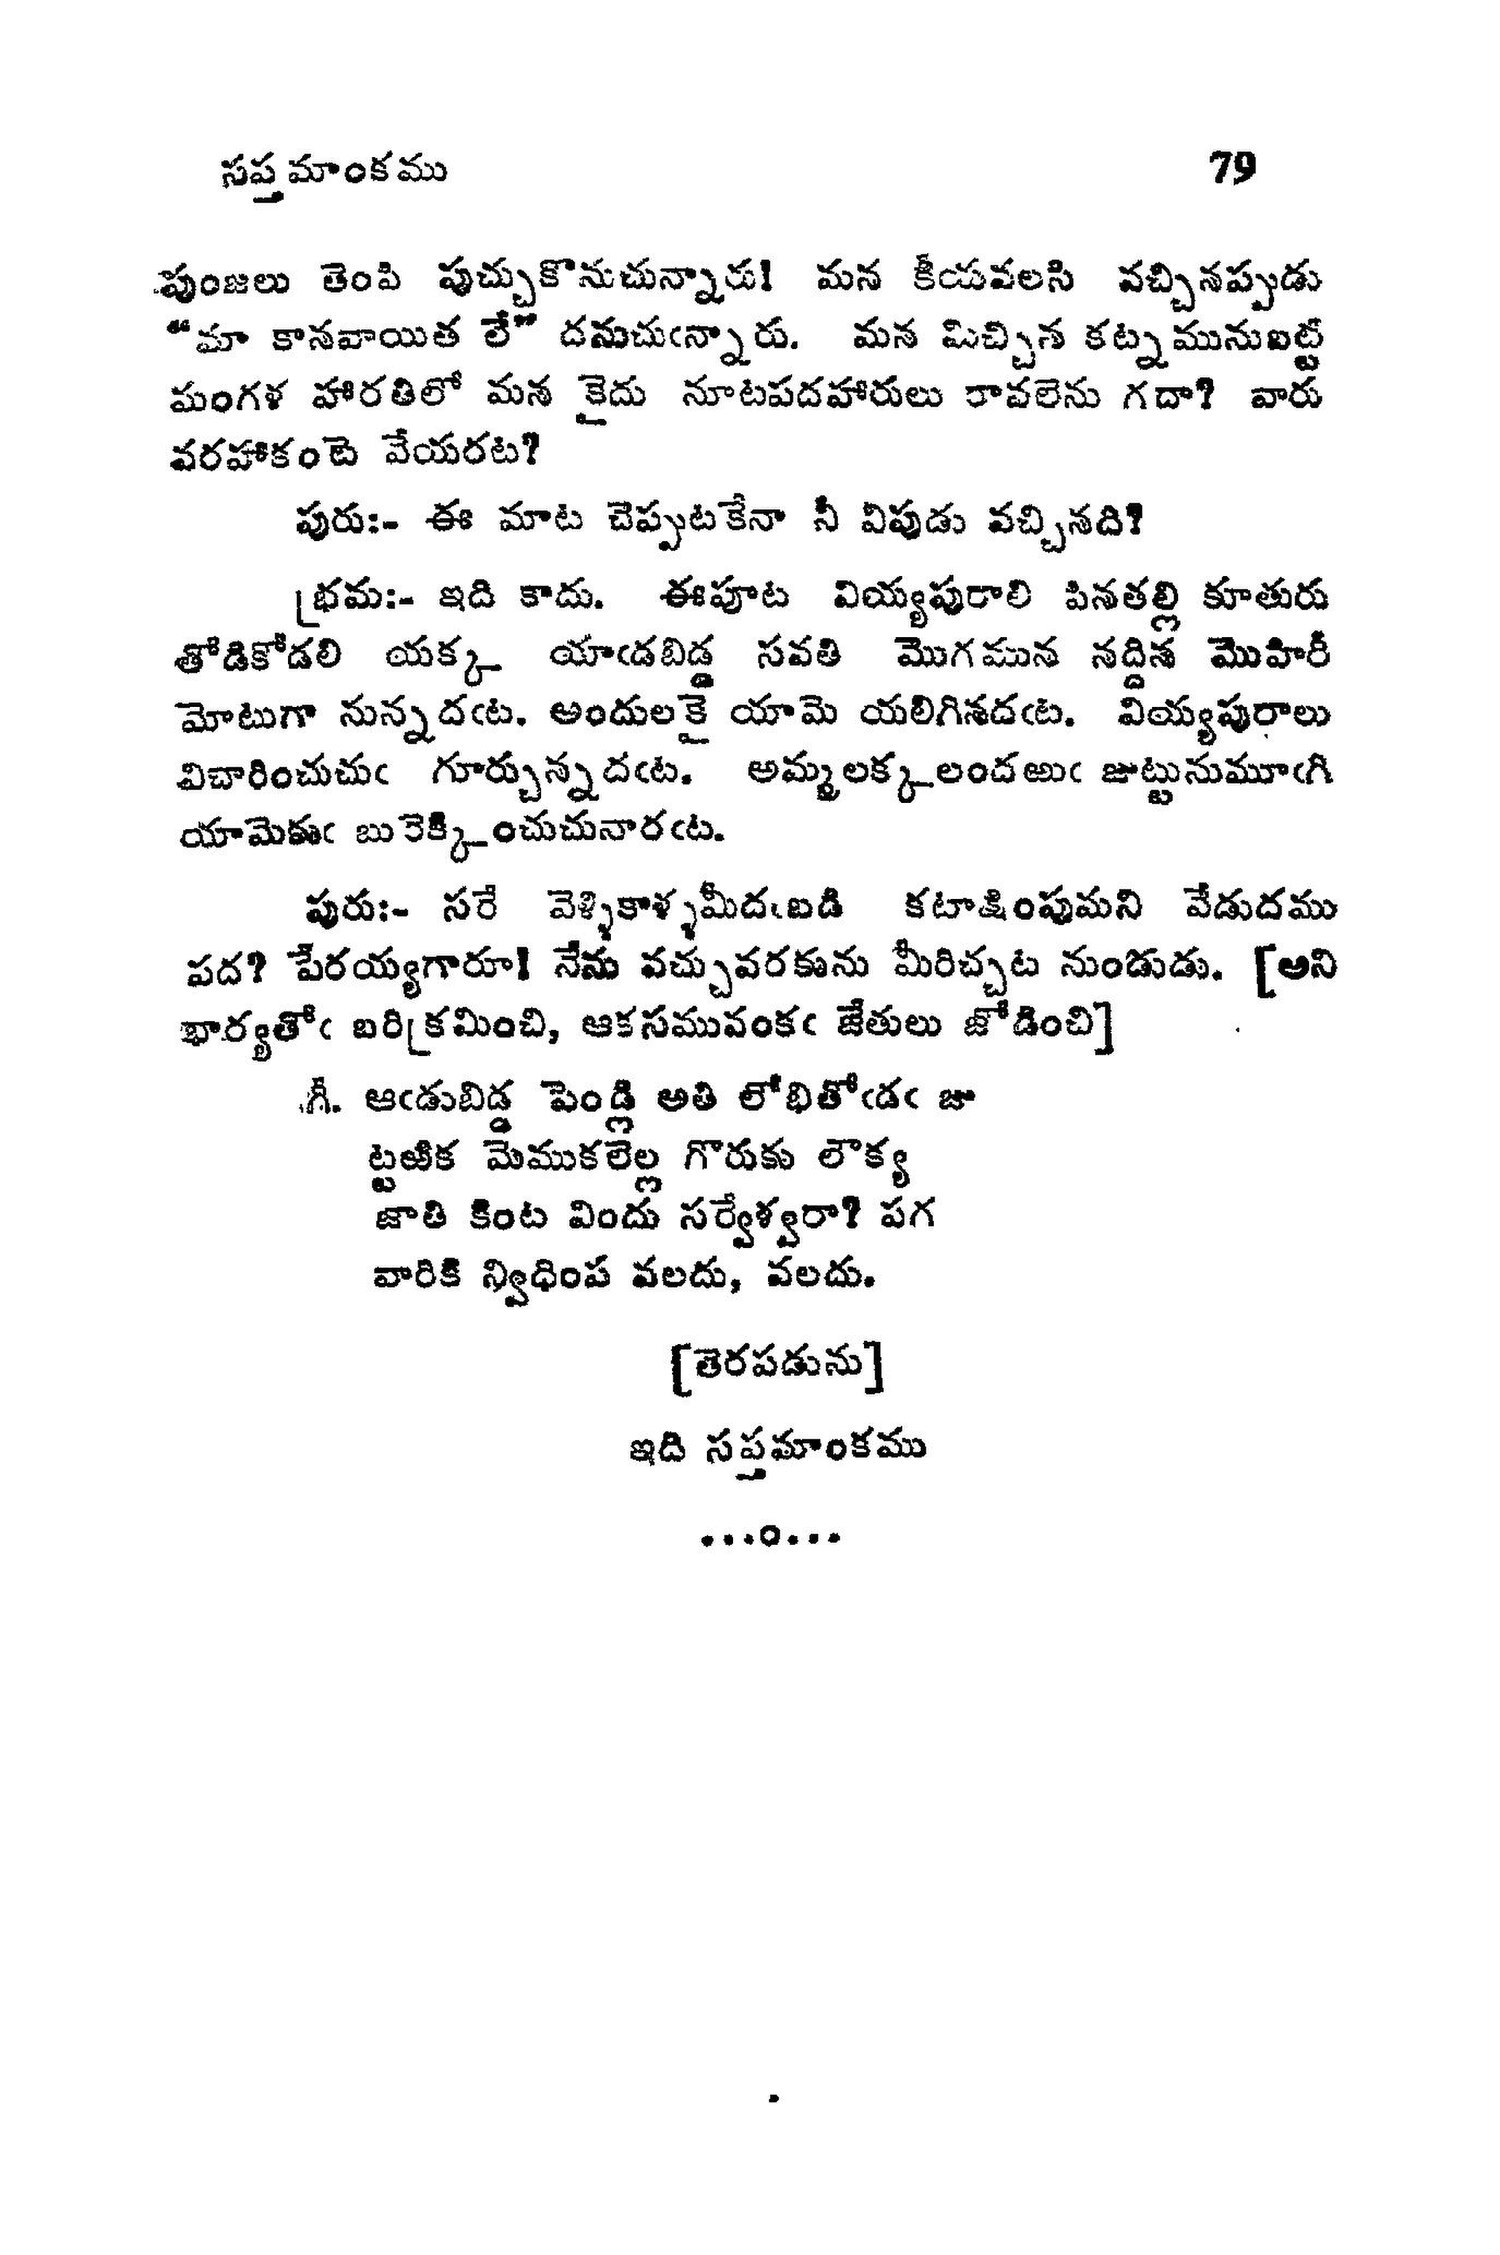పుంజలు తెంపి పుచ్చుకొనుచున్నారు! మన కీయవలసి వచ్చినప్పుడు "మా కానవాయిత లే" దనుచుఁన్నారు. మన మిచ్చిన కట్నమునుబట్టి మంగళ హారతిలో మన కైదు నూటపదాఱులు రావలెను గదా? వారు వరహాకంటె వేయరట!

పురు :- ఈ మాట చెప్పుటకేనా నీ విపుడు వచ్చినది?

భ్రమ :- ఇది కాదు. ఈపూట వియ్యపురాలి పినతల్లి కూతురు తోడికోడలి యక్క యాఁడబిడ్డ సవతి మొగమున నద్దిన మొహిరీ మోటుగా నున్నదఁట. అందులకై యామె యలిగినదఁట. వియ్యపురాలు విచారించుచుఁ గూర్చున్నదఁట. అమ్మలక్క లందఱుఁ జుట్టునుమూఁగి యామెకుఁ బురెక్కించుచున్నారఁట.

పురు :- సరే వెళ్ళికాళ్లమీదఁబడి కటాక్షింపుమని వేడుదము పద! పేరయ్యగారూ! నేను వచ్చువరకును మీరిచ్చట నుండుఁడు. (అని భార్యతోఁ బరిక్రమించి, ఆకసమువంకఁ జేతులు జోడించి)

గీ. ఆఁడుబిడ్డ పెండ్లి అతి లోభితోఁడఁ జు
 ట్టఱిక మెముకలెల్ల గొరుకు లౌక్య
 జాతి కింట విందు సర్వేశ్వరా? పగ
 వారికి న్విధింప వలదు, వలదు.